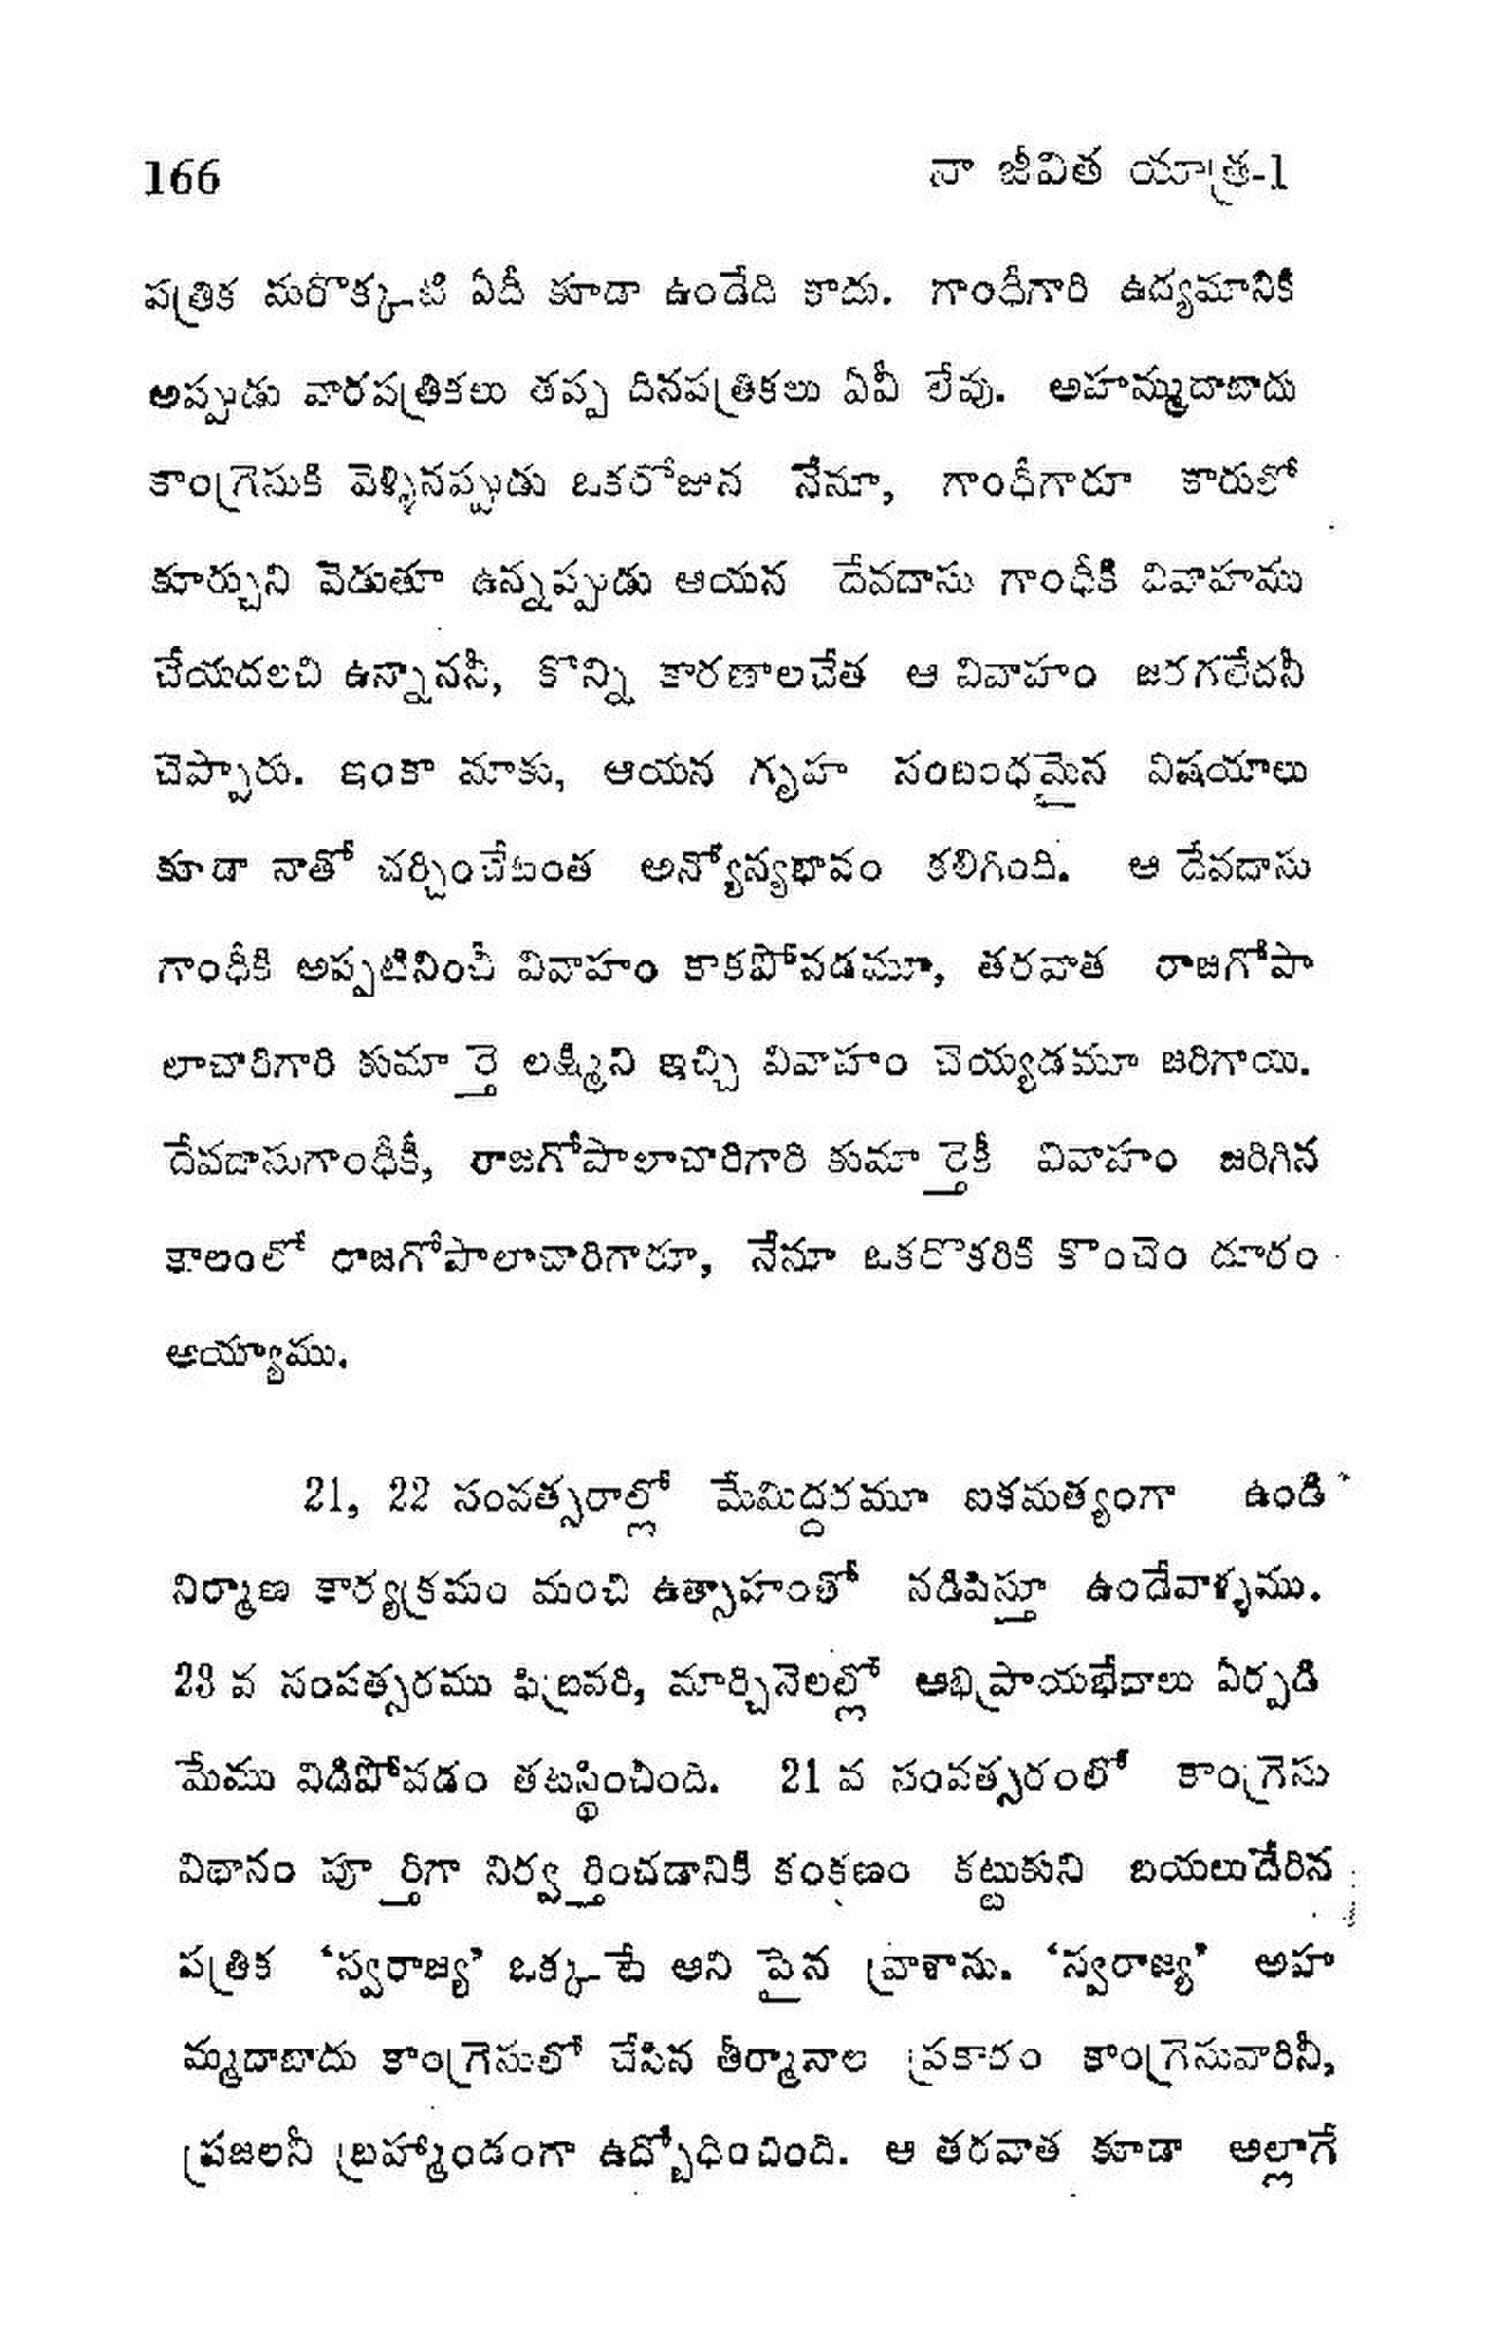పత్రిక మరొక్కటి ఏదీ కూడా ఉండేది కాదు. గాంధీగారి ఉద్యమానికి అప్పుడు వారపత్రికలు తప్ప దినపత్రికలు ఏవీ లేవు. అహమ్మదాబాదు కాంగ్రెసుకి వెళ్ళినప్పుడు ఒకరోజున నేనూ, గాంధీగారూ కారులో కూర్చుని వెడుతూ ఉన్నప్పుడు ఆయన దేవదాసు గాంధీకి వివాహము చేయదలచి ఉన్నాననీ, కొన్ని కారణాలచేత ఆ వివాహం జరగలేదనీ చెప్పారు. ఇంకా మాకు, ఆయన గృహ సంబంధమైన విషయాలు కూడా నాతో చర్చించేటంత అన్యోన్యభావం కలిగింది. ఆ దేవదాసు గాంధీకి అప్పటినించీ వివాహము కాకపోవడమూ, తరవాత రాజగోపాలాచారిగారి కుమార్తె లక్ష్మిని ఇచ్చి వివాహం చెయ్యడమూ జరిగాయి. దేవదాసుగాంధీకీ, రాజగోపాలాచారిగారి కుమార్తెకీ వివాహం జరిగిన కాలంలో రాజగోపాలాచారిగారూ, నేనూ ఒకరొకరికి కొంచెం దూరం అయ్యాము.

21, 22 సంవత్సరాల్లో మేమిద్దరమూ ఐకమత్యంగా ఉండి నిర్మాణ కార్యక్రమం మంచి ఉత్సాహంతో నడిపిస్తూ ఉండేవాళ్ళము. 23 వ సంవత్సరము ఫిబ్రవరి, మార్చినెలల్లో అభిప్రాయభేదాలు ఏర్పడి మేము విడిపోవడం తటస్థించింది. 21 వ సంవత్సరంలో కాంగ్రెసు విథానం పూర్తిగా నిర్వర్తించడానికి కంకణం కట్టుకుని బయలుదేరిన పత్రిక 'స్వరాజ్య' ఒక్కటే అని పైన వ్రాశాను. 'స్వరాజ్య' అహమ్మదాబాదు కాంగ్రెసులో చేసిన తీర్మానాల ప్రకారం కాంగ్రెసువారినీ, ప్రజలనీ బ్రహ్మాండంగా ఉద్బోధించింది. అ తరవాత కూడా అల్లాగే